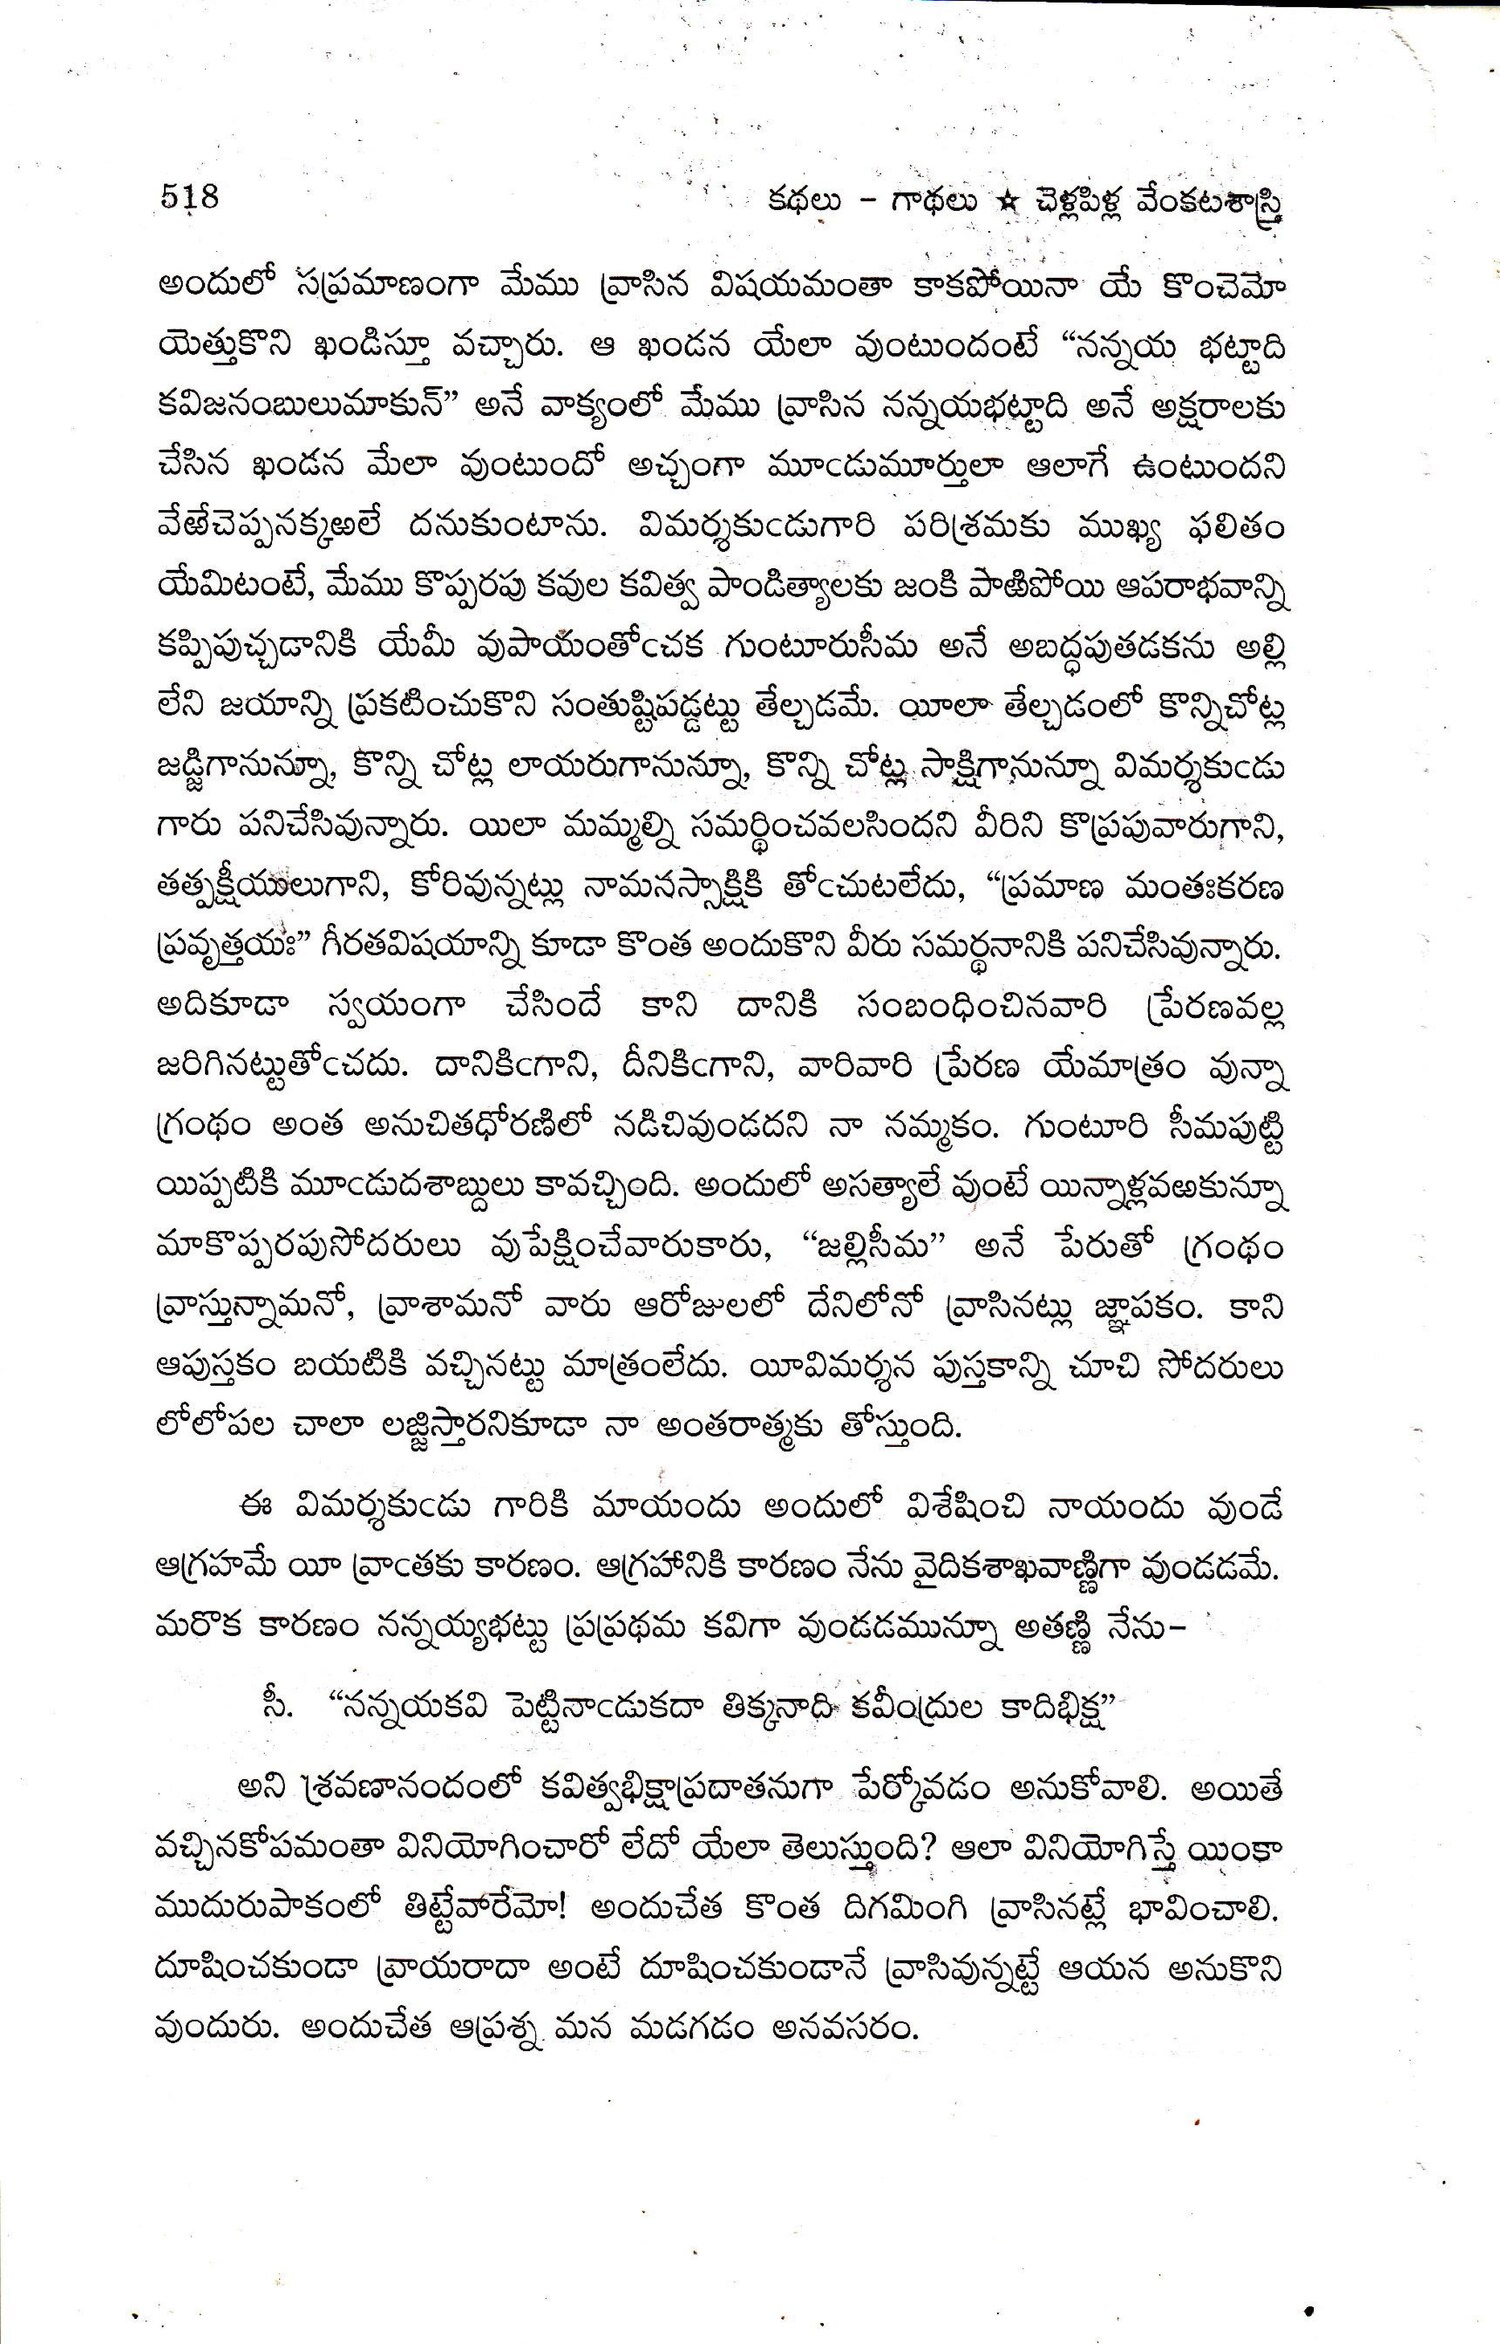అందులో సప్రమాణంగా మేము వ్రాసిన విషయమంతా కాకపోయినా యే కొంచెమో యెత్తుకొని ఖండిస్తూ వచ్చారు. ఆ ఖండన యేలా వుంటుందంటే “నన్నయ భట్టాది కవిజనంబులుమాకున్” అనే వాక్యంలో మేము వ్రాసిన నన్నయభట్టాది. అనే అక్షరాలకు చేసిన ఖండన మేలా వుంటుందో అచ్చంగా మూఁడుమూర్తులా ఆలాగే ఉంటుందని వేఱేచెప్పనక్కఱలే దనుకుంటాను. విమర్శకుఁడుగారి పరిశ్రమకు ముఖ్య ఫలితం యేమిటంటే, మేము కొప్పరపు కవుల కవిత్వ పాండిత్యాలకు జంకి పాఱిపోయి ఆపరాభవాన్ని కప్పిపుచ్చడానికి యేమీ వుపాయంతోcచక గుంటూరుసీమ అనే అబద్ధపుతడకను అల్లి లేని జయాన్ని ప్రకటించుకొని సంతుష్టిపడ్డట్టు తేల్చడమే. యీలా తేల్చడంలో కొన్నిచోట్ల జడ్డిగానున్నూ కొన్ని చోట్ల లాయరుగానున్నూ కొన్ని చోట్ల సాక్షిగానున్నూ విమర్శకుఁడు గారు పనిచేసివున్నారు. యిలా మమ్మల్ని సమర్థించవలసిందని వీరిని కొప్రపువారుగాని, తత్పక్షీయులుగాని, కోరివున్నట్లు నామనస్సాక్షికి తోఁచుటలేదు, "ప్రమాణ మంతఃకరణ ప్రవృత్తయః" గీరతవిషయాన్ని కూడా కొంత అందుకొని వీరు సమర్థనానికి పనిచేసివున్నారు. అదికూడా స్వయంగా చేసిందే కాని దానికి సంబంధించినవారి ప్రేరణవల్ల జరిగినట్టుతోఁచదు. దానికిఁగాని, దీనికిఁగాని, వారివారి ప్రేరణ యేమాత్రం వున్నా గ్రంథం అంత అనుచితధోరణిలో నడిచివుండదని నా నమ్మకం. గుంటూరి సీమపుట్టి యిప్పటికి మూఁడుదశాబ్దులు కావచ్చింది. అందులో అసత్యాలే వుంటే యిన్నాళ్లవఱకున్నూ మాకొప్పరపుసోదరులు వుపేక్షించేవారుకారు, “జల్లిసీమ" అనే పేరుతో గ్రంథం వ్రాస్తున్నామనో, వ్రాశామనో వారు ఆరోజులలో దేనిలోనో వ్రాసినట్లు జ్ఞాపకం. కాని ఆపుస్తకం బయటికి వచ్చినట్టు మాత్రంలేదు. యీవిమర్శన పుస్తకాన్ని చూచి సోదరులు లోలోపల చాలా లజ్జిస్తారనికూడా నా అంతరాత్మకు తోస్తుంది.

ఈ విమర్శకుఁడు గారికి మాయందు అందులో విశేషించి నాయందు వండే ఆగ్రహమే యీ వ్రాఁతకు కారణం. ఆగ్రహానికి కారణం నేను వైదికశాఖవాణ్ణిగా వుండడమే. మరొక కారణం నన్నయ్యభట్టు ప్రప్రథమ కవిగా వుండడమున్నూ అతణ్ణి నేను-

సీ. "నన్నయకవి పెట్టినాఁడుకదా తిక్కనాది కవీంద్రుల కాదిభిక్ష"
అని శ్రవణానందంలో కవిత్వభిక్షాప్రదాతనుగా పేర్కోవడం అనుకోవాలి. అయితే వచ్చినకోపమంతా వినియోగించారో లేదో యేలా తెలుస్తుంది? ఆలా వినియోగిస్తే యింకా ముదురుపాకంలో తిట్టేవారేమో! అందుచేత కొంత దిగమింగి వ్రాసినట్లే భావించాలి. దూషించకుండా వ్రాయరాదా అంటే దూషించకుండానే వ్రాసివున్నట్టే ఆయన అనుకొని వుందురు. అందుచేత ఆప్రశ్న మన మడగడం అనవసరం.